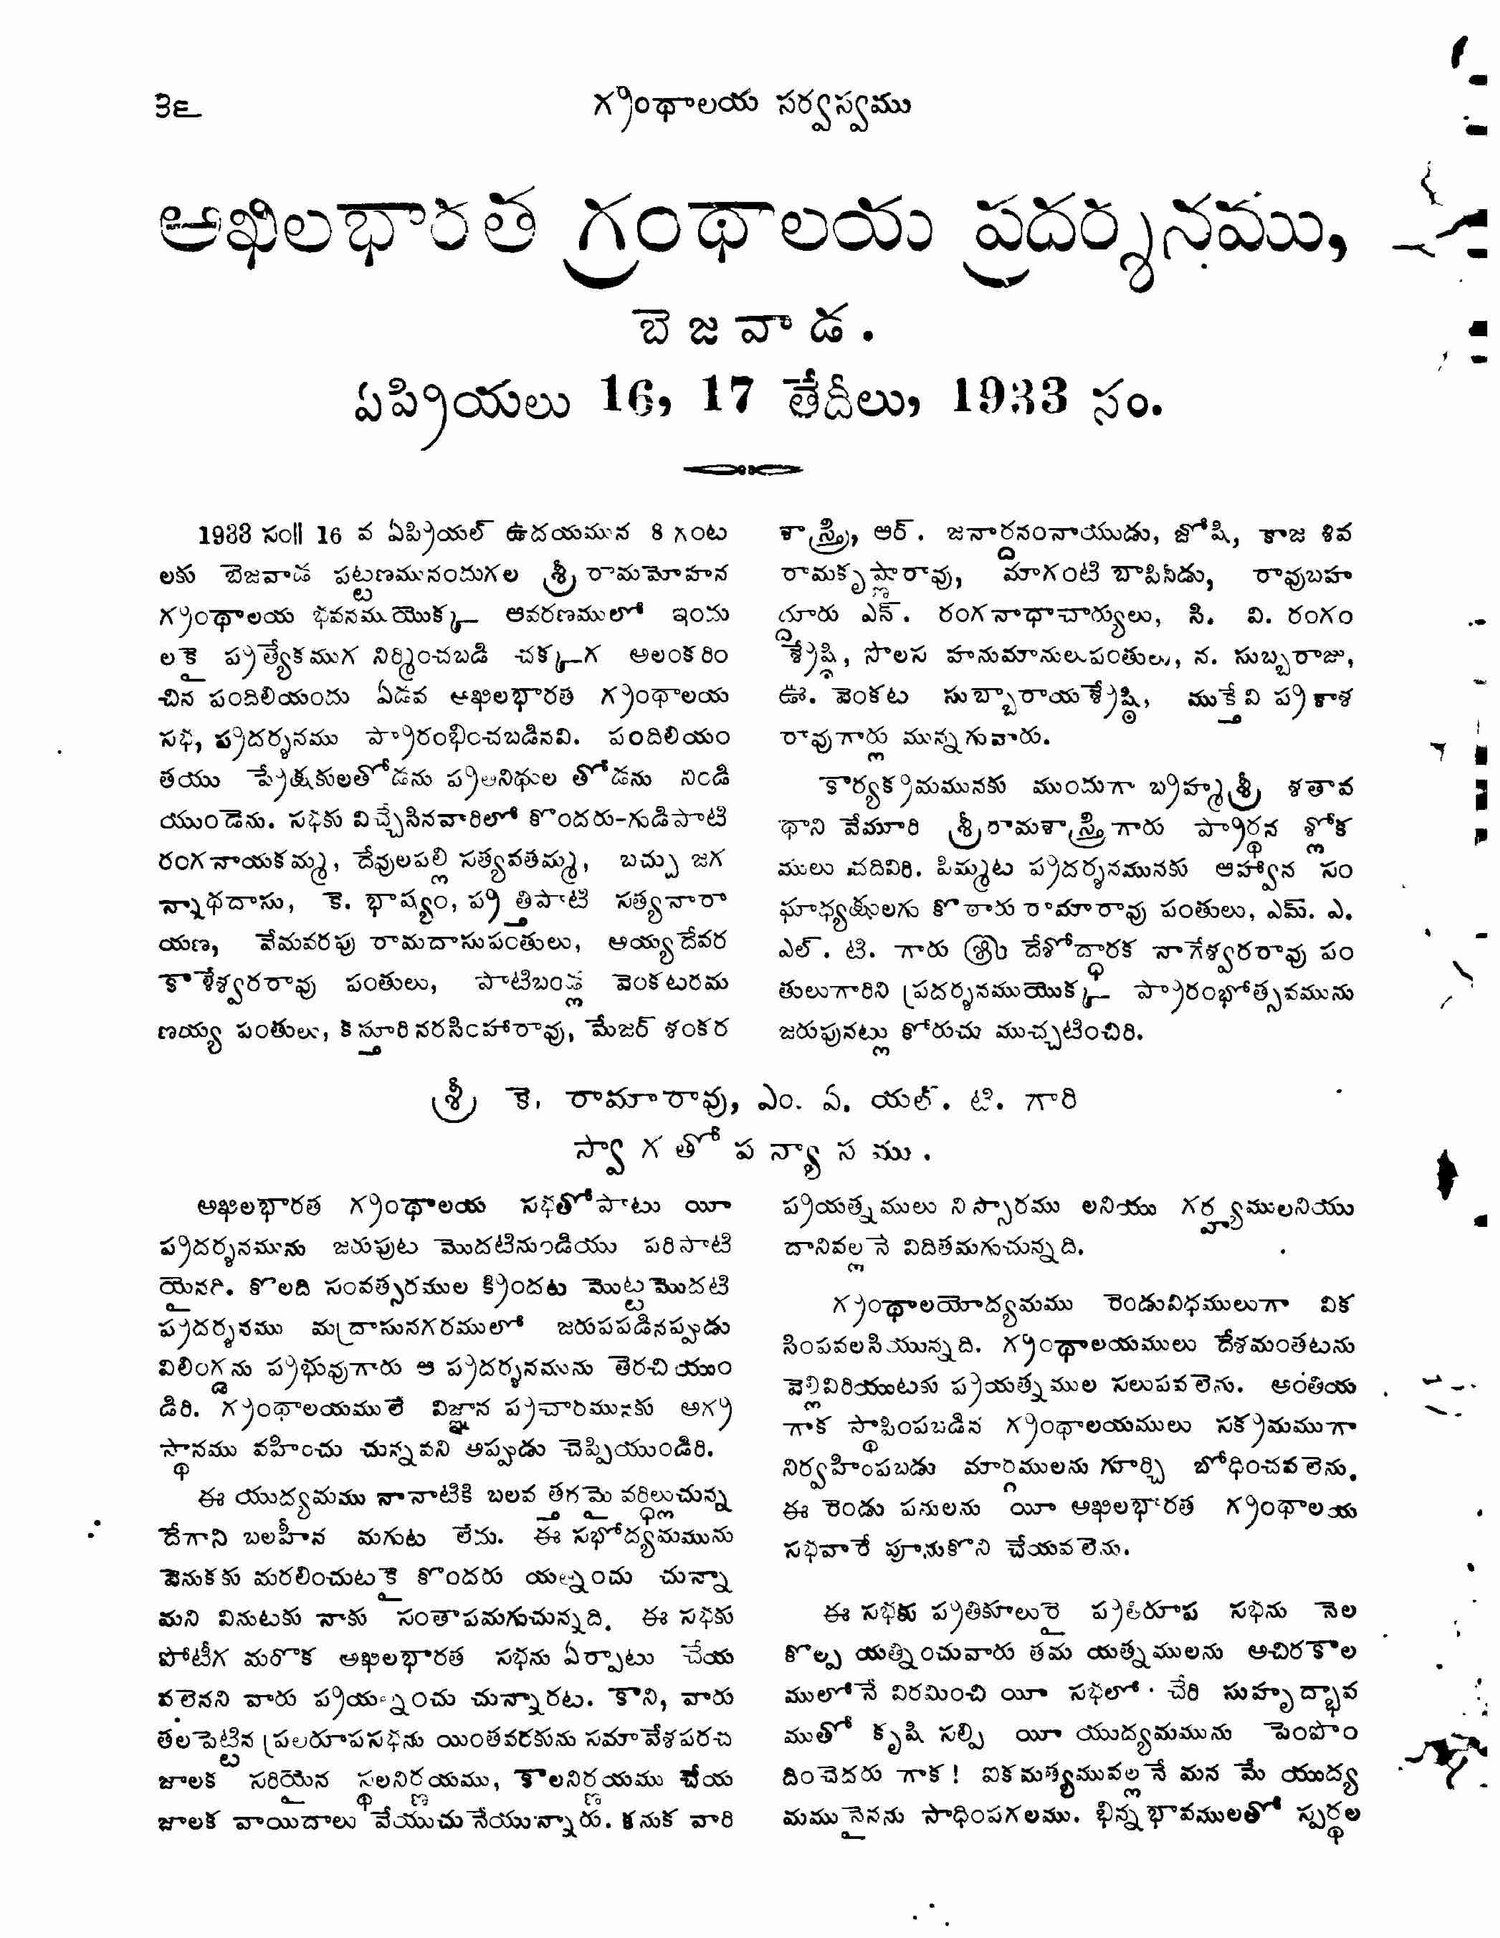1933 సం॥ 16 వ ఏప్రియల్ ఉదయమున 8 గంటలకు బెజవాడ పట్టణము నందుగల శ్రీ రామ మోహన గ్రంథాలయ భవనము యొక్క ఆవరణములో ఇందులకై ప్రత్యేకముగ నిర్మించబడి చక్కగ అలంకరించిన పందిలియందు ఏడవ ఆఖిలభారత గ్రంథాలయ సభ, ప్రదర్శనము ప్రారంభించబడినవి. పందిలియంతయు ప్రేక్షకులతోడను, ప్రతనిధుల తోడను నిండి యుండెను. సభకు విచ్చేసిన
వారిలో కొందరు గుడిపాటి రంగ నాయకమ్మ, దేవులపల్లి సత్యవతమ్మ, బచ్చు జగన్నాథదాసు, కె. భాష్యం, ప్రత్తిపాటి సత్యనారా
యణ, వేమవరపు రామదాసు పంతులు, అయ్య దేవర కాళేశ్వరరావు పంతులు, పాటిబండ్ల వెంకటరమణయ్య పంతులు, కస్తూరి నరసింహారావు, మేజర్ శంకర శాస్త్రి, ఆర్. జనార్ధనంనాయుడు, జోషి, కాజ శివరామకృష్ణారావు, మాగంటి బాపినీడు, రావుబహదూర్, 
ఎస్. రంగనాధాచార్యులు, సి. వి. రంగం శ్రేష్ఠి, సొలస హనుమానులు పంతులు, న, సుబ్బరాజు, ఊ. వెంకట సుబ్బారాయశ్రేష్ఠి, ముక్తేవి ప్రకాశ రావు గార్లు మున్నగువారు. 

కార్యక్రమమునకు ముందుగా బ్రహ్మశ్రీ శతావధాని వేమూరి శ్రీరామశాస్త్రి గారు ప్రార్థన శ్లోకములు చదివిరి. పిమ్మట ప్రదర్శనమునకు ఆహ్వాన సంఘాధ్యక్షులగు కొఠారు రామారావు పంతులు, ఎమ్. ఎ., ఎల్, టి. గారు శ్రీ దేశోద్ధారక నాగేశ్వరరావు పంతులు గారిని ప్రదర్శనము యొక్క ప్రారంభోత్సవమును జరుపునట్లు కోరుచు ముచ్చటించిరి.

అఖిలభారత గ్రంథాలయ సభతోపాటు యీ ప్రదర్శనమును జరుపుట మొదటినుండియు పరిసాటి యైనదిగి. కొలది సంవత్సరముల కిందట మొట్ట మొదటి ప్రదర్శనము మద్రాసు నగరములో జరుపపడినప్పుడు విలింగ్డను ప్రభువుగారు ఆ ప్రదర్శనమును తెరచి 
యుండిరి. గ్రంథాలయములే విజ్ఞాన ప్రచారమునకు అగ్రస్థానము వహించు చున్నవని అప్పుడు చెప్పియుండిరి.

ఈ యుద్యమము నానాటికి బలవత్తరమై వర్ధిలుచున్నదేగాని బలహీన మగుట లేదు. ఈ సభోద్యమమును వెనుకకు మరలించుటకై 
కొందరు యత్నించుచున్నామని వినుటకు నాకు సంతాపమగుచున్నది. ఈ సభకుపోటీగ మరొక అఖిల భారత సభను ఏర్పాటు చేయవలెనని వారు ప్రయ్నంచు చున్నారట. కాని, వారు తల పెట్టిన ప్రలరూపసభను యింతవరకును సమావేశపరచజాలక
సరియైన సలనిర్ణయము, కాలనిర్ణయము చేయజాలక వాయిదాలు వేయుచునే యున్నారు. కనుక వారి ప్రయత్నములు 
నిస్సారము లనియు గర్హ్యములనియు దానివలనే విదితమగుచున్నది.

గ్రంథాలయోద్యమము రెండువిధములుగా వికసింపవలసి యున్నది. గ్రంథాలయములు దేశమంతటను వెళ్లివిరియుటకు 
ప్రయత్నములు సలుపవలెను. అంతియగాక స్థాపింపబడిన గ్రంధాలయములు సక్రమముగా నిర్వహింపబడు మార్గములను గూర్చి బోధించవలెను. ఈ రెండు పనులను యీ ఆఖిలభారత గ్రంథాలయ సభవారే పూనుకొని చేయవలెను.

ఈ సభకు ప్రతికూలురై ప్రతిరూప సభను నెల కొల్ప యత్నించువారు తమ యత్నములను అచిరకాలములో నే విరమించి యీ 
సభలో చేరి సుహృద్భావముతో కృషి సల్పి యీ యుద్యమమును పెంపొందించెదరు గాక! ఐకమత్యమువల్లనే మన మే యుద్యమము 
నైనను సాధింపగలము. భిన్న భావములతో స్పర్థల